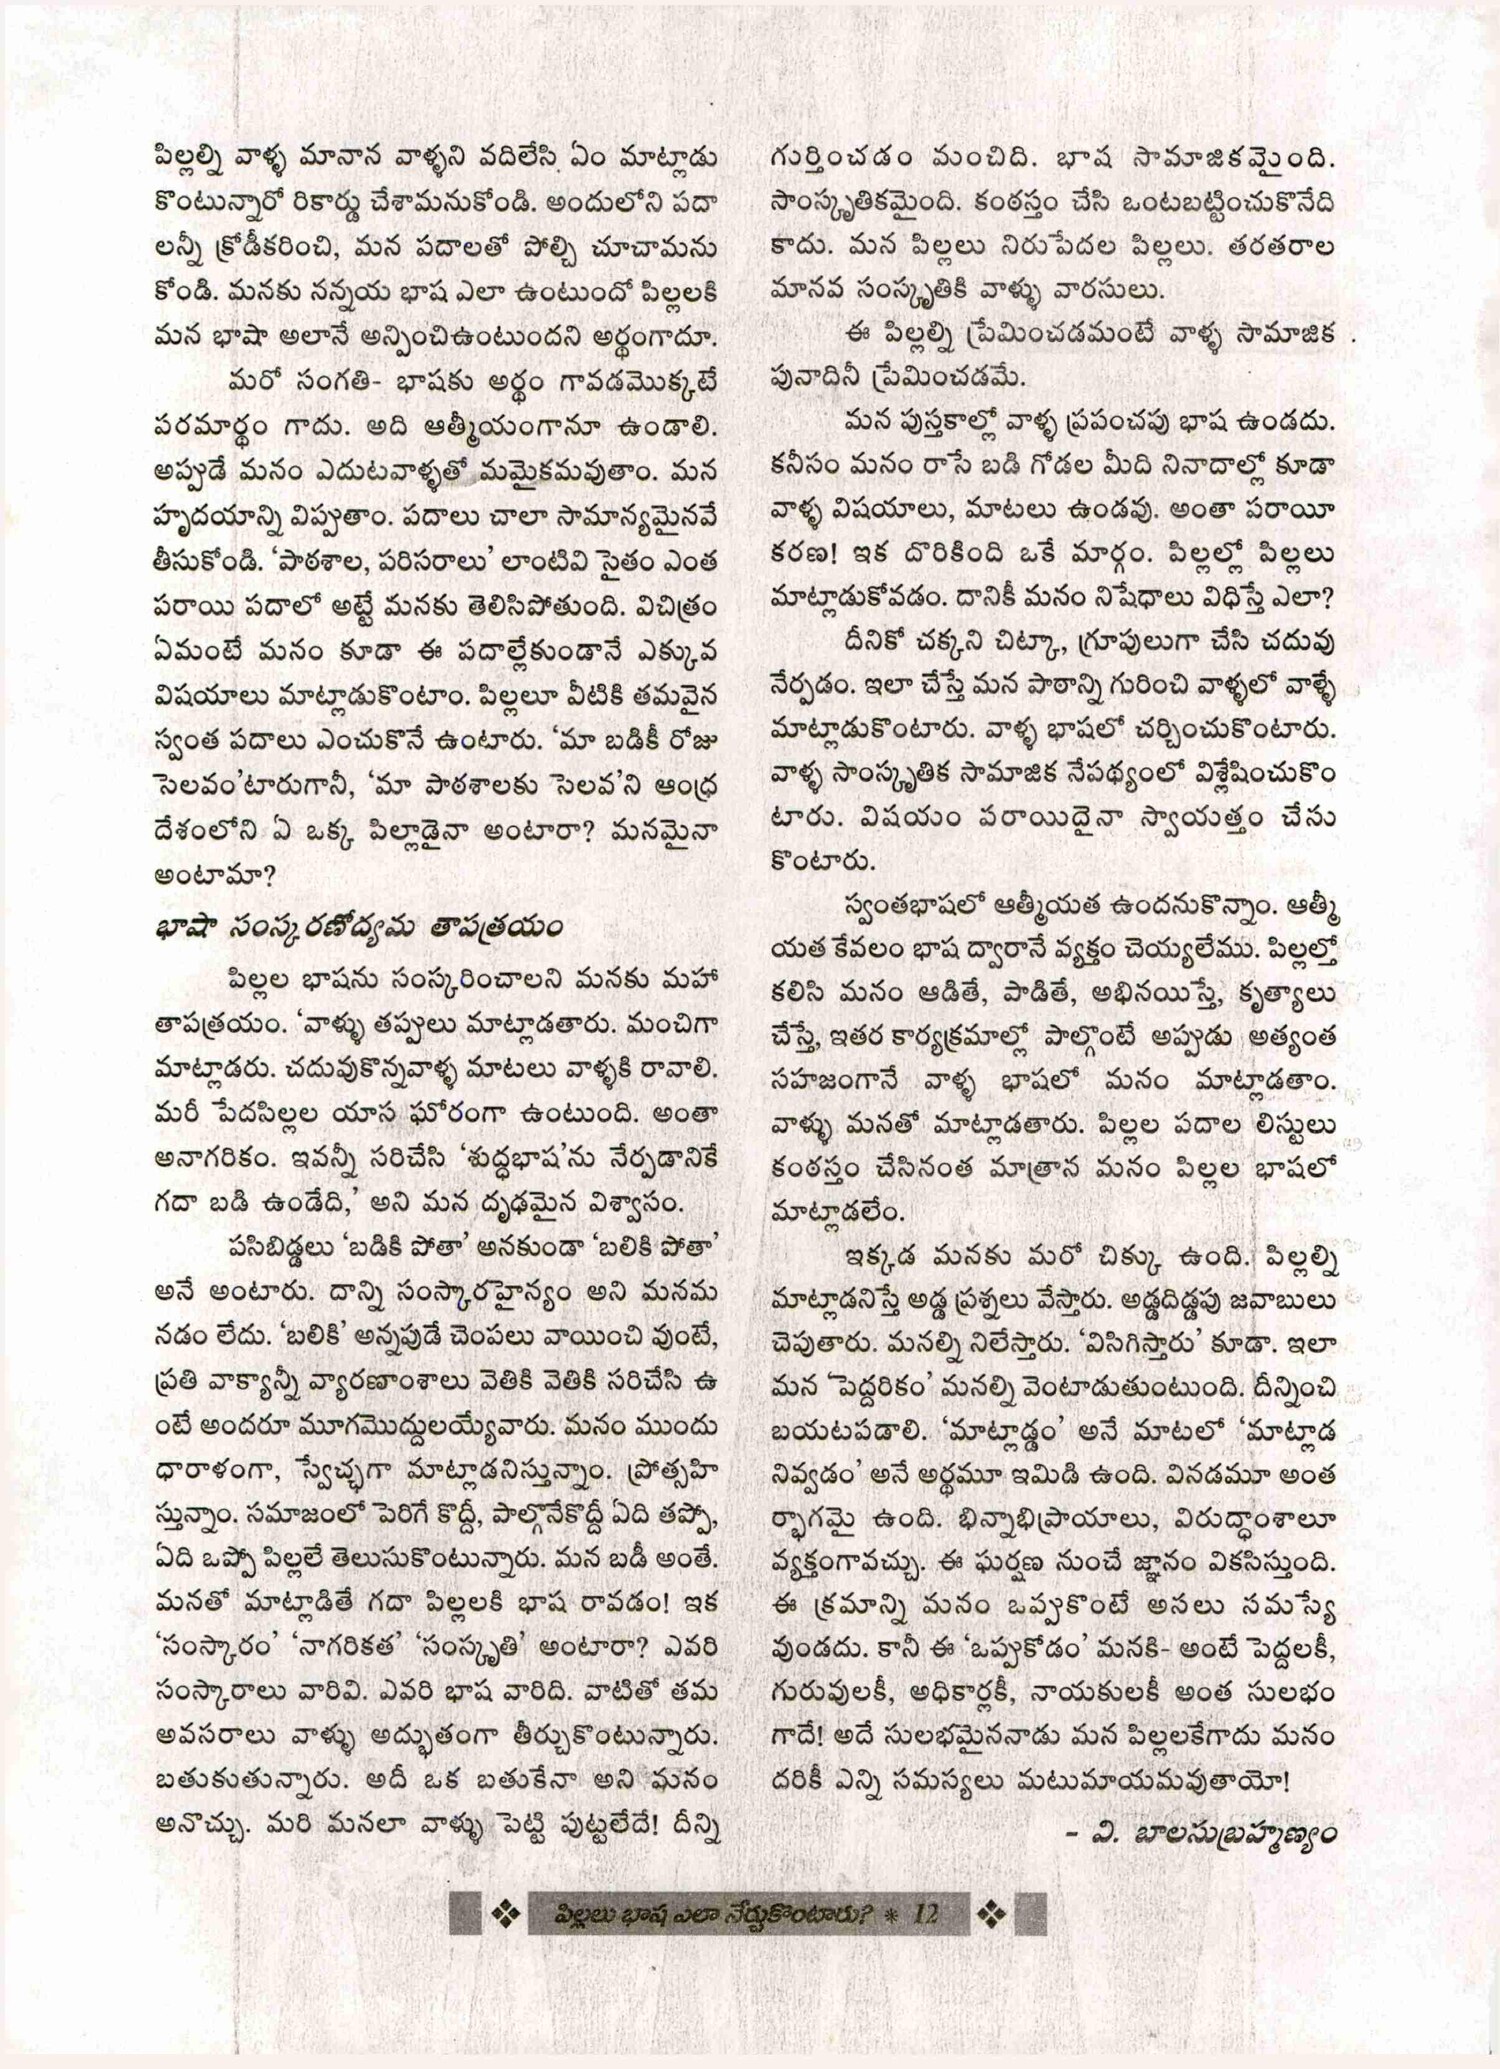పిల్లల్ని వాళ్ళ మానాన వాళ్ళని వదిలేసి ఏం మాట్లాడుకొంటున్నారో రికార్డు చేశామనుకోండి. అందులోని పదాలన్నీ క్రోడీకరించి, మన పదాలతో పోల్చి చూచామనుకోండి. మనకు నన్నయ భాష ఎలా ఉంటుందో పిల్లలకి మన భాషా అలానే అన్పించి ఉంటుందని అర్థంగాదూ.

మరో సంగతి - భాషకు అర్థం గావడమొక్కటే పరమార్థం గాదు. అది ఆత్మీయంగానూ ఉండాలి. అప్పుడే మనం ఎదుటవాళ్ళతో మమైకమవుతాం. మన హృదయాన్ని విప్పుతాం. పదాలు చాలా సామాన్యమైనవే తీసుకోండి. ‘పాఠశాల, పరిసరాలు' లాంటివి సైతం ఎంత పరాయి పదాలో అట్టే మనకు తెలిసిపోతుంది. విచిత్రం ఏమంటే మనం కూడా ఈ పదాల్లేకుండానే ఎక్కువ విషయాలు మాట్లాడుకొంటాం. పిల్లలూ వీటికి తమవైన స్వంత పదాలు ఎంచుకొనే ఉంటారు. 'మా బడికీ రోజు సెలవం'టారుగానీ, 'మా పాఠశాలకు సెలవ'ని ఆంధ్రదేశంలోని ఏ ఒక్క పిల్లాడైనా అంటారా? మనమైనా అంటామా?

భాషా సంస్కరణోద్యమ తాపత్రయం

పిల్లల భాషను సంస్కరించాలని మనకు మహా తాపత్రయం. ‘వాళ్ళు తప్పులు మాట్లాడతారు. మంచిగా మాట్లాడరు. చదువుకొన్నవాళ్ళ మాటలు వాళ్ళకి రావాలి. మరీ పేదపిల్లల యాస ఘోరంగా ఉంటుంది. అంతా అనాగరికం. ఇవన్నీ సరిచేసి 'శుద్ధభాష'ను నేర్పడానికే గదా బడి ఉండేది,' అని మన దృఢమైన విశ్వాసం.

పసిబిడ్డలు 'బడికి పోతా' అనకుండా 'బలికి పోతా' అనే అంటారు. దాన్ని సంస్కారహైన్యం అని మనమనడం లేదు. 'బలికి' అన్నపుడే చెంపలు వాయించి వుంటే, ప్రతి వాక్యాన్నీ వ్యారణాంశాలు వెతికి వెతికి సరిచేసి ఉంటే అందరూ మూగమొద్దులయ్యేవారు. మనం ముందు ధారాళంగా, స్వేచ్ఛగా మాట్లాడనిస్తున్నాం. ప్రోత్సహిస్తున్నాం. సమాజంలో పెరిగే కొద్దీ, పాల్గొనేకొద్దీ ఏది తప్పో, ఏది ఒప్పో పిల్లలే తెలుసుకొంటున్నారు. మన బడీ అంతే. మనతో మాట్లాడితే గదా పిల్లలకి భాష రావడం! ఇక 'సంస్కారం' 'నాగరికత' 'సంస్కృతి' అంటారా? ఎవరి సంస్కారాలు వారివి. ఎవరి భాష వారిది. వాటితో తమ అవసరాలు వాళ్ళు అద్భుతంగా తీర్చుకొంటున్నారు. బతుకుతున్నారు. అదీ ఒక బతుకేనా అని మనం అనొచ్చు. మరి మనలా వాళ్ళు పెట్టి పుట్టలేదే! దీన్ని గుర్తించడం మంచిది. భాష సామాజికమైంది.
సాంస్కృతికమైంది. కంఠస్తం చేసి ఒంటబట్టించుకొనేది కాదు. మన పిల్లలు నిరుపేదల పిల్లలు. తరతరాల మానవ సంస్కృతికి వాళ్ళు వారసులు.

ఈ పిల్లల్ని ప్రేమించడమంటే వాళ్ళ సామాజిక పునాదినీ ప్రేమించడమే.

మన పుస్తకాల్లో వాళ్ళ ప్రపంచపు భాష ఉండదు. కనీసం మనం రాసే బడి గోడల మీది నినాదాల్లో కూడా వాళ్ళ విషయాలు, మాటలు ఉండవు. అంతా పరాయీ కరణ! ఇక దొరికింది ఒకే మార్గం. పిల్లల్లో పిల్లలు మాట్లాడుకోవడం. దానికీ మనం నిషేధాలు విధిస్తే ఎలా?

దీనికో చక్కని చిట్కా, గ్రూపులుగా చేసి చదువు నేర్పడం. ఇలా చేస్తే మన పాఠాన్ని గురించి వాళ్ళలో వాళ్ళే
మాట్లాడుకొంటారు. వాళ్ళ భాషలో చర్చించుకొంటారు. వాళ్ళ సాంస్కృతిక సామాజిక నేపథ్యంలో విశ్లేషించుకొంటారు. విషయం పరాయిదైనా స్వాయత్తం చేసుకొంటారు.

స్వంతభాషలో ఆత్మీయత ఉందనుకొన్నాం. ఆత్మీయత కేవలం భాష ద్వారానే వ్యక్తం చెయ్యలేము. పిల్లల్తో కలిసి మనం ఆడితే, పాడితే, అభినయిస్తే, కృత్యాలు చేస్తే, ఇతర కార్యక్రమాల్లో పాల్గొంటే అప్పుడు అత్యంత సహజంగానే వాళ్ళ భాషలో మనం మాట్లాడతాం. వాళ్ళు మనతో మాట్లాడతారు. పిల్లల పదాల లిస్టులు కంఠస్తం చేసినంత మాత్రాన మనం పిల్లల భాషలో మాట్లాడలేం.

ఇక్కడ మనకు మరో చిక్కు ఉంది. పిల్లల్ని మాట్లాడనిస్తే అడ్డ ప్రశ్నలు వేస్తారు. అడ్డదిడ్డపు జవాబులు చెపుతారు. మనల్ని నిలేస్తారు. 'విసిగిస్తారు' కూడా. ఇలా మన 'పెద్దరికం' మనల్ని వెంటాడుతుంటుంది. దీన్నించి బయటపడాలి. ‘మాట్లాడ్డం' అనే మాటలో 'మాట్లాడ నివ్వడం' అనే అర్థమూ ఇమిడి ఉంది. వినడమూ అంతర్భాగమై ఉంది. భిన్నాభిప్రాయాలు, విరుద్ధాంశాలూ వ్యక్తంగావచ్చు. ఈ ఘర్షణ నుంచే జ్ఞానం వికసిస్తుంది. ఈ క్రమాన్ని మనం ఒప్పుకొంటే అసలు సమస్యే వుండదు. కానీ ఈ 'ఒప్పుకోడం' మనకి- అంటే పెద్దలకీ, గురువులకీ, అధికార్లకీ, నాయకులకీ అంత సులభం గాదే! అదే సులభమైననాడు మన పిల్లలకేగాదు మనందరికీ ఎన్ని సమస్యలు మటుమాయమవుతాయో!